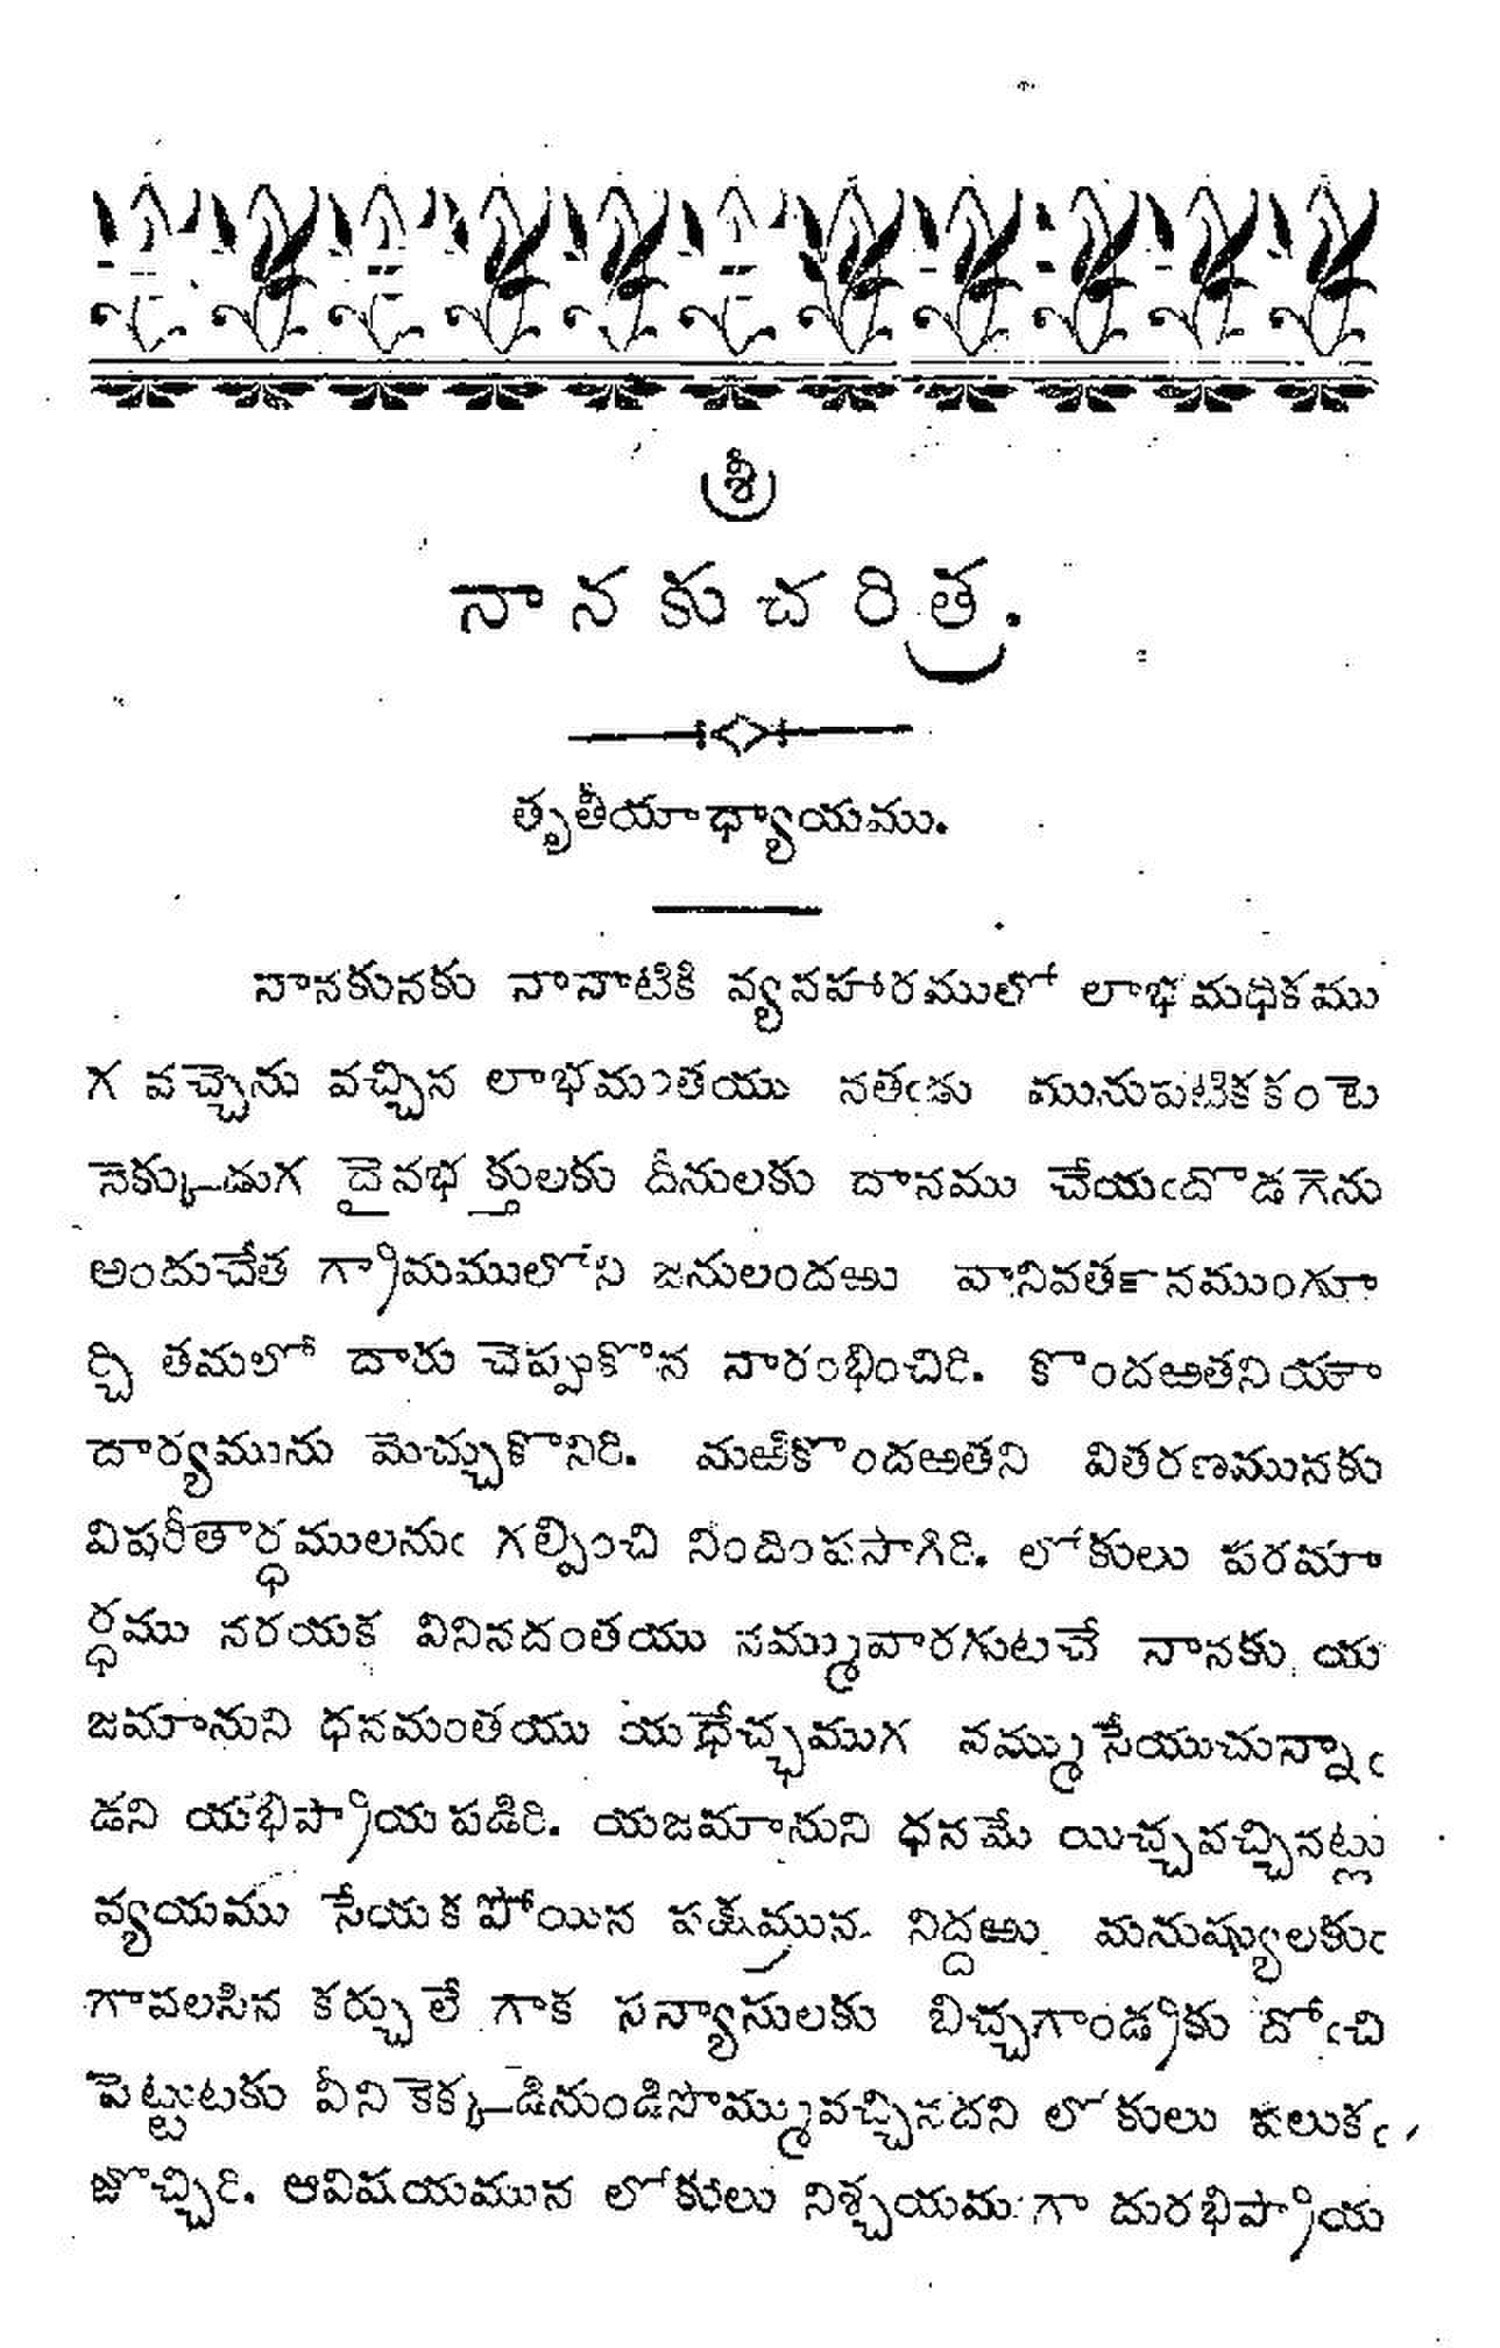నానకునకు నానాటికి వ్యవహారములో లాభమధికముగ వచ్చెను వచ్చిన లాభమంతయు నతడు మునుపటికకంటె నెక్కుడుగ దైవభక్తులకు దీనులకు దానము చేయదొడగెను. అందుచేత గ్రామములోని జనులందఱు వానివతన్‌నముంగూర్చి తమలో దారు చెప్పుకొన నారంభించిరి. కొందఱతని యౌదార్యమును మెచ్చుకొనిరి. మఱికొందఱతని వితరణమునకు విపరీతార్ధములను గల్పించి నిందింపసాగిరి. లోకులు పరమార్ధము నరయక వినినదంతయు నమ్మువారగుటచే నానకు యజమానుని ధనమంతయు యధేచ్ఛముగ వమ్ముసేయున్నాడని యభిప్రాయపడిరి. యజమానుని ధనమే యిచ్చవచ్చినట్లు వ్యయము సేయక పోయిన పక్షమున నిద్దఱు మనుష్యులకు గావలసిన కర్చులే గాక సన్యాసులకు బిచ్చగాండ్రకు దోచి పెట్టుటకు వీని కెక్కడినుండిసొమ్మువచ్చినదని లోకులు పలుక జొచ్చిరి. ఆవిషయమున లోకులు నిశ్చయముగా దురభిప్రాయ